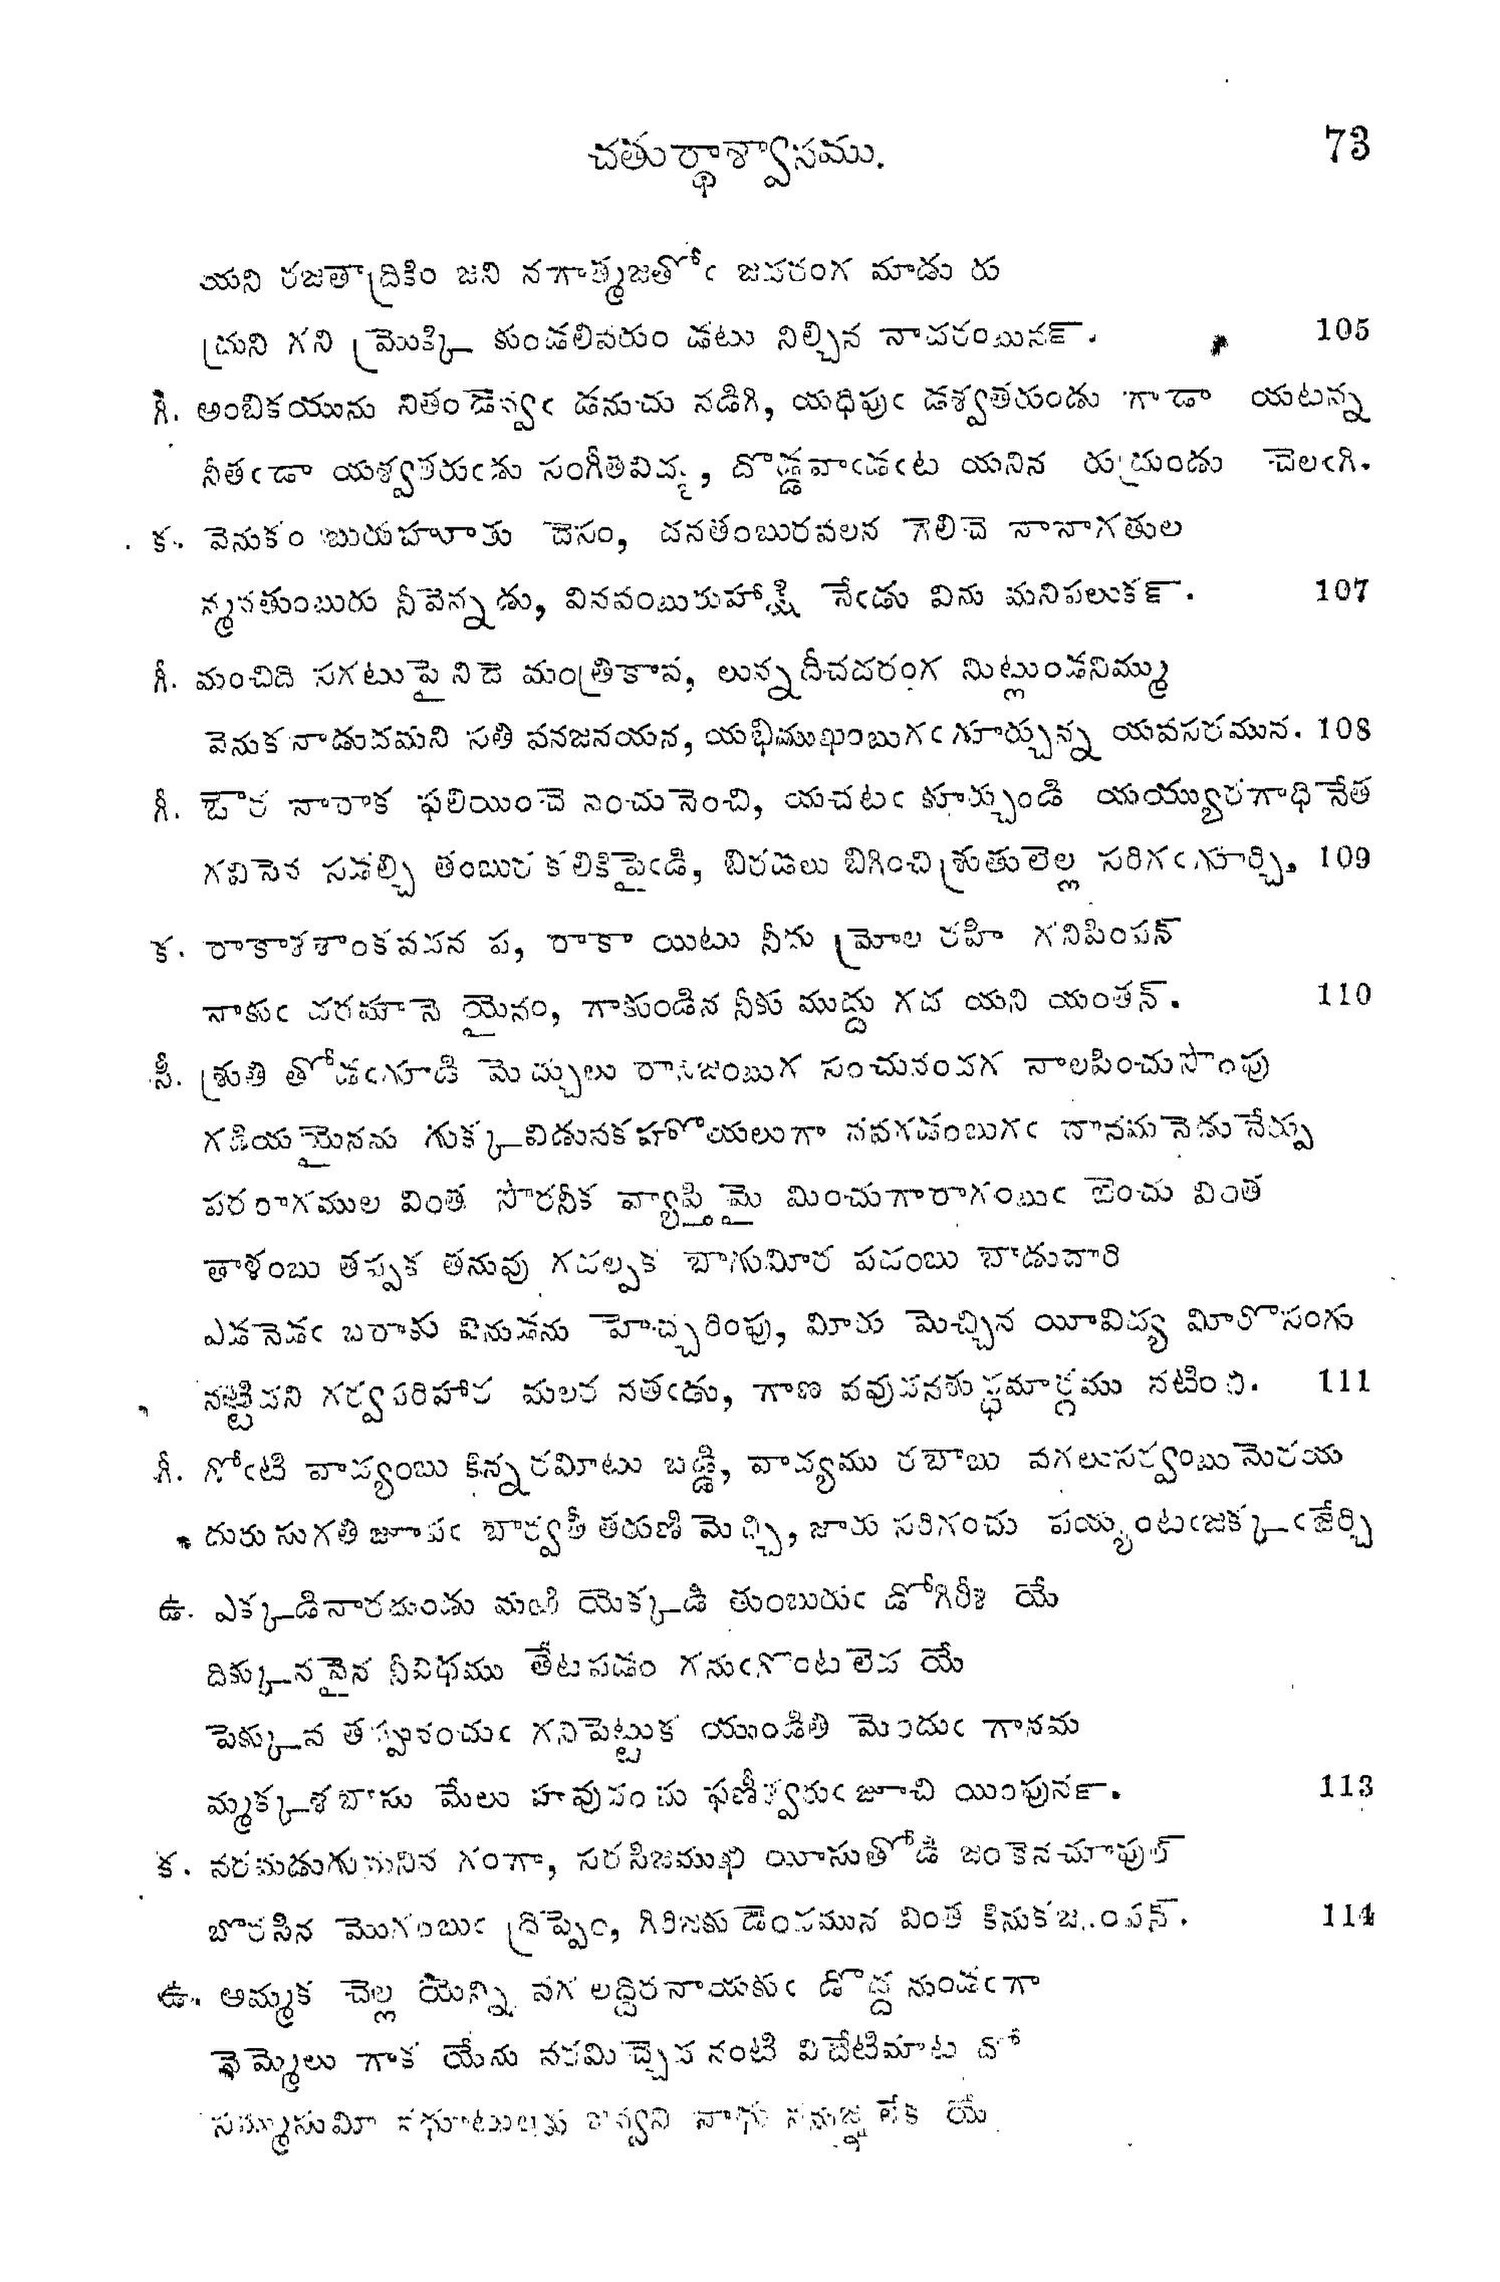యని రజతాద్రికిం జని నగాత్మజతోఁ జదరంగ మాడు రు
ధ్రుని గని మ్రొక్కి కుండలివరుం డటు నిల్చిన నాదరంబున్.
గీ. అంబికయును నితం డెవ్వఁ డనుచు నడిగి, యధిపుఁ డశ్వతరుండు గాడా యటన్న
నీతఁడా యశ్వతరుఁడు సంగీతవిద్య, దొడ్డవాఁడఁట యనిన రుద్రుండు చెలఁగి.
క. వెనుకం బురుహూతు దెసం, దనతంబురవలన గెలిచె నానాగతుల
న్మనతుంబురు నీ వెన్నడు, విన వంబురుహాక్షి నేఁడు విను మని పలుకన్.
గీ. మంచిది సగటుపై నిదె మంత్రికావ, లున్న దీచదరంగ మిట్లుండనిమ్ము
వెనుక నాడుదమని సతి వనజనయన, యభిముఖంబుగఁ గూర్చున్న యవసరమున.
గీ. ఔర నారాక ఫలియించె నంచు నెంచి, యచటఁ కూర్చుండి యయ్యురగాధినేత
గవిసెన సడల్చి తంబుర కలికిపైఁడి, బిరడలు బిగించి శ్రుతులెల్ల సరిగఁ గూర్చి.
క. రాకాశశాంకవదన ప, రాకా యిటు నీదు మ్రోల రహి గనిపింపన్
నాకుఁ దరమౌనె యైనం, గాకుండిన నీకు ముద్దు గద యని యంతన్.
సీ. శ్రుతి తోడఁగూడి మెచ్చులు రా నిజంబుగ సంచునందగ నాలపించు సొంపు
గడియయైనను గుక్కవిడునక హొయలుగా నవగడంబుగఁ దానమనెడు నేర్పు
పరరాగముల వింత సొరనీక వ్యాప్తిమై మించు గారాగంబుఁ బెంచు వింత
తాళంబు తప్పక తనువు గదల్పక బాగుమీర పదంబు బాడుచారి
ఎడనెడఁ బరాకు వినుడను హెచ్చరింపు, మీరు మెచ్చిన యీవిద్య మీ రొసంగు
నట్టిదని గర్వపరిహార మలర నతఁడు, గాణ వవుదనశుద్ధమార్గము నటించి.
గీ. గోఁటి వాద్యంబు కిన్నరమీటు బడ్డి, వాద్యము రబాబు వగలు సర్వంబు మెరయ
దురుసుగతి జూపఁ బార్వతీతరుణి మెచ్చి, జారు సరిగంచుపయ్యంటఁ జక్కఁజేర్చి.
ఉ. ఎక్కడి నారదుండు మఱి యెక్కడి తుంబురుఁ డోగిరీశ యే
దిక్కున నైన నీవిధము తేటపడం గనుఁగొంట లెద యే
పెక్కున తప్పునంచుఁ గనిపెట్టుక యుండితి మెందుఁ గాన మ
మ్మక్క శబాసు మేలు హవుదంచు ఫణీశ్వరుఁ జూచి యింపునన్.
క. వర మడుగు మనిన గంగా, సరసిజముఃఖ యీసుతోడి జంకెనచూపుల్
బొలసిన మొగంబుఁ ద్రిప్పెఁ, గిరిజకు డెందమున వింత కినుక జనింపన్.
ఉ. అమ్మక చెల్ల యెన్ని వగ లద్దిరనానాయకుఁ డొద్ద నుండఁగా
నెమ్మెలు గాక యేను వర మిచ్చెద నంటి విదేటిమాట దో
సమ్ము సుమీ వధూటులకు జవ్వని నాథు ననుజ్ఞ లేక యే